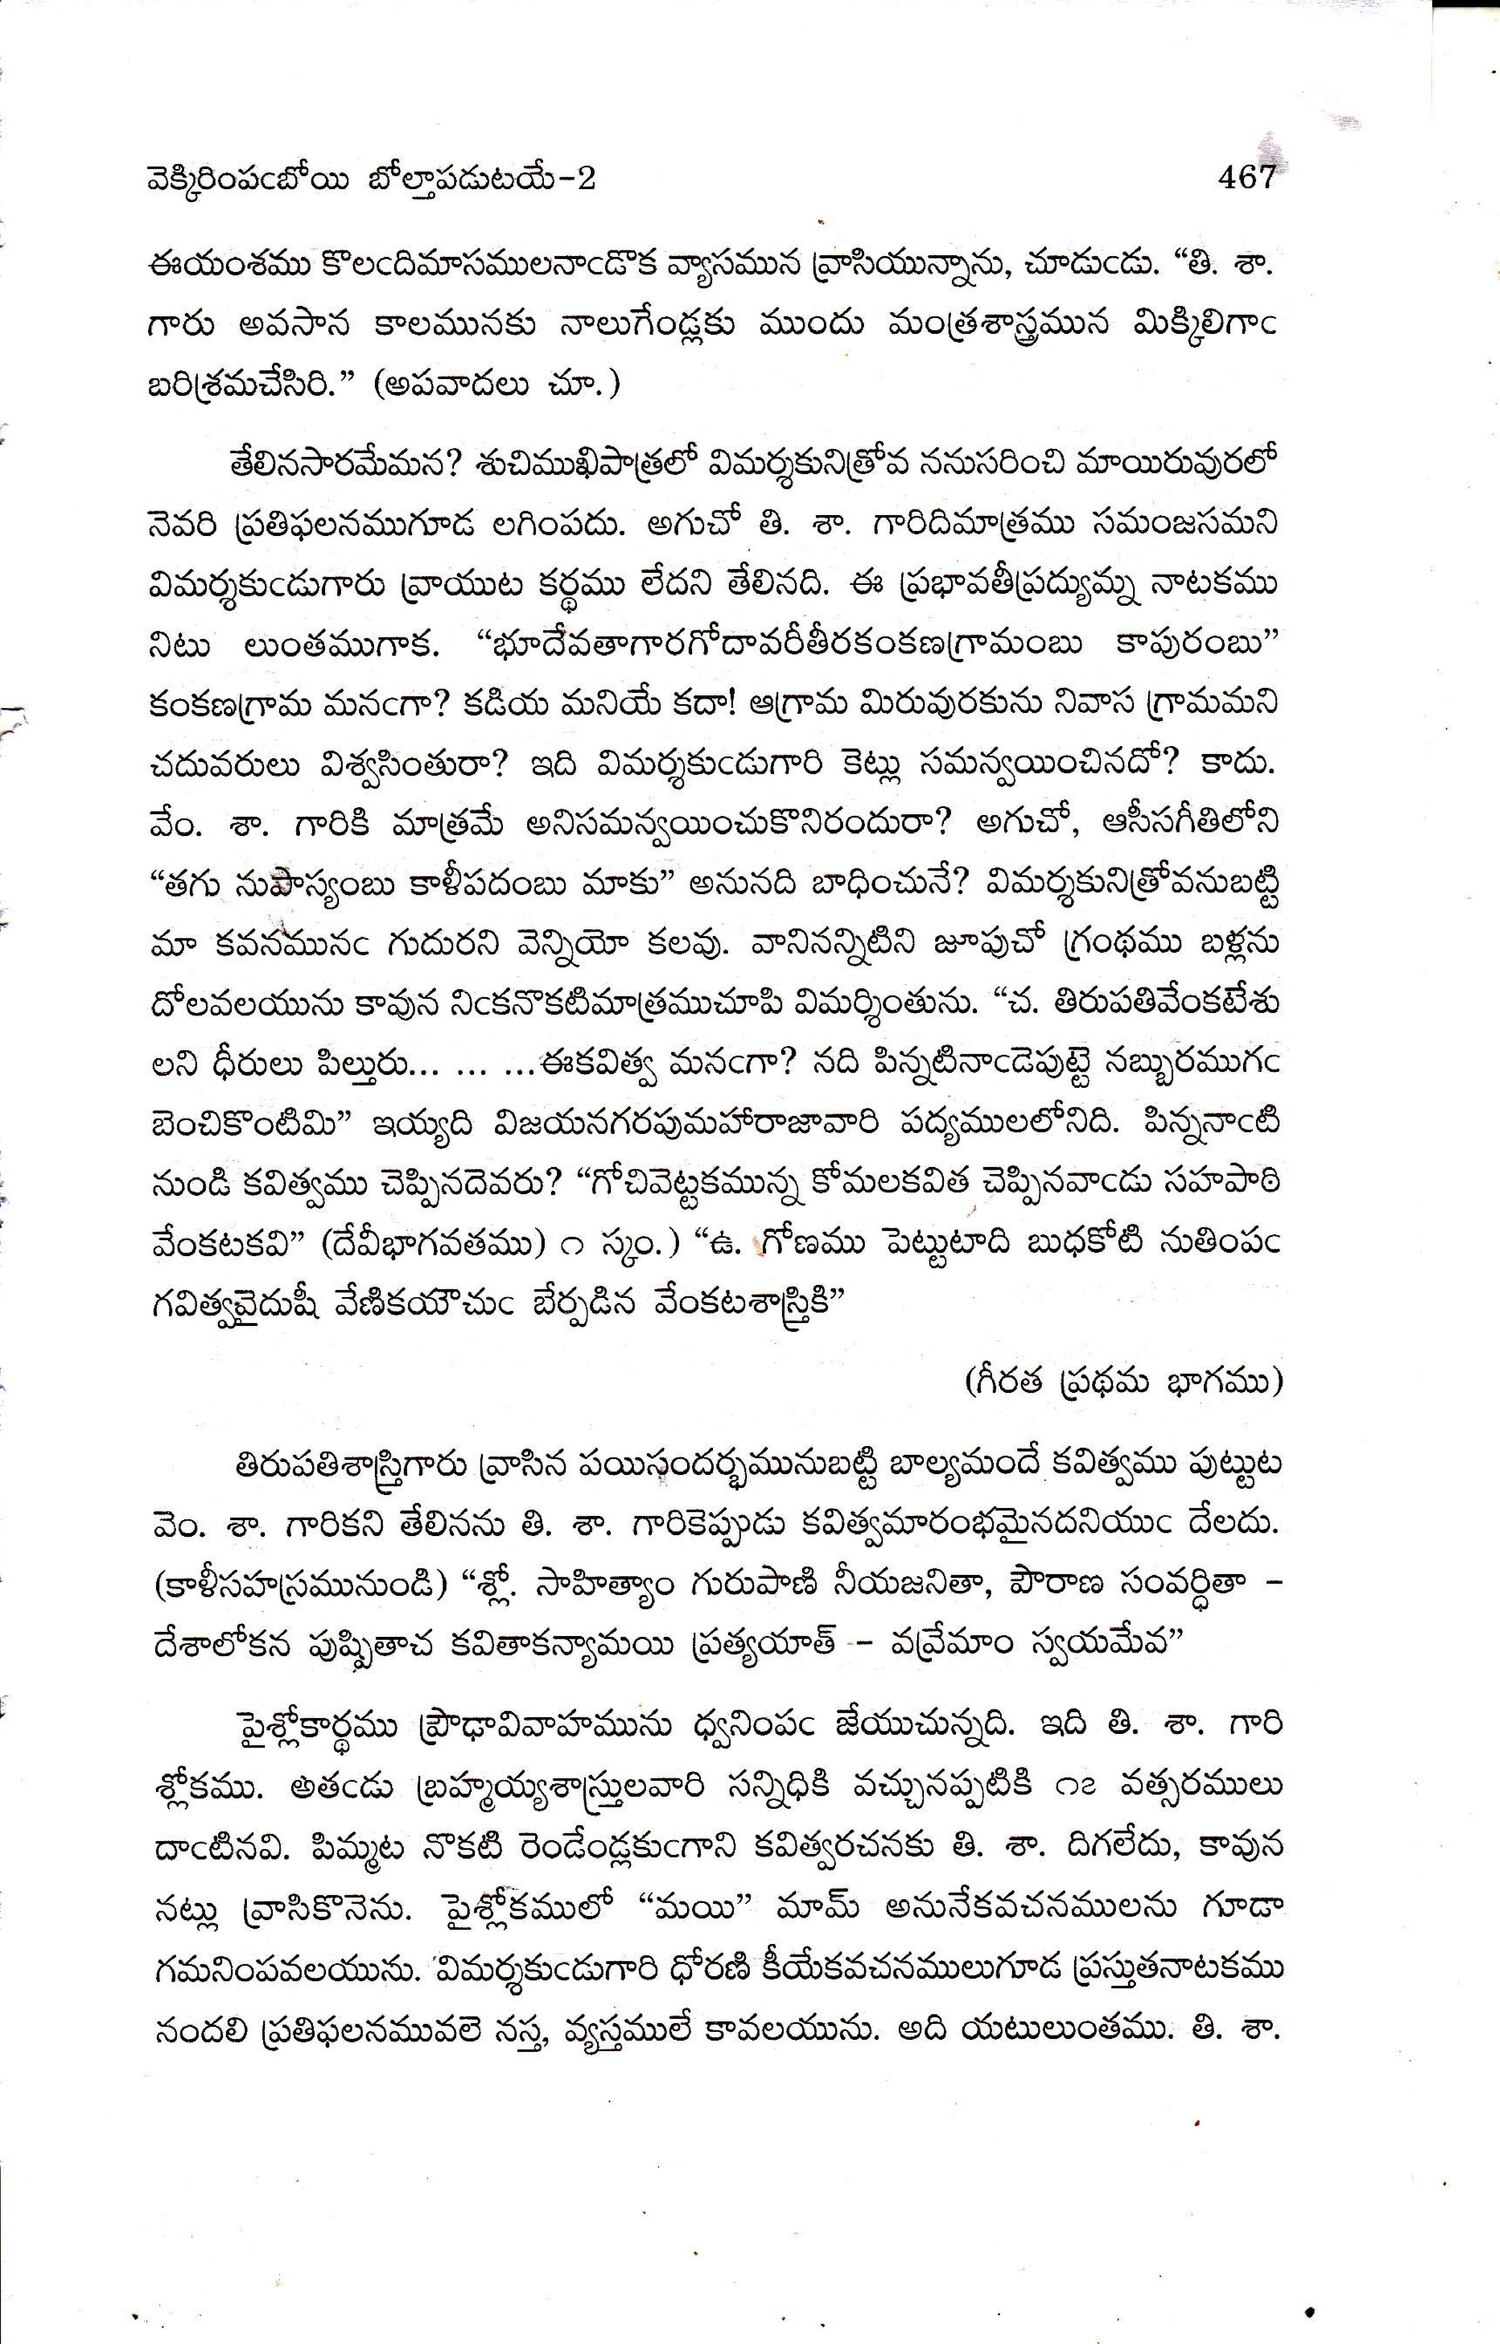ఈయంశము కొలఁదిమాసములనాఁడొక వ్యాసమున వ్రాసియున్నాను, చూడుఁడు. “తి. శా. గారు అవసాన కాలమునకు నాలుగేండ్లకు ముందు మంత్రశాస్త్రమున మిక్కిలిగాఁ బరిశ్రమచేసిరి." (అపవాదలు చూ.)

తేలినసారమేమన? శుచిముఖిపాత్రలో విమర్శకునిత్రోవ ననుసరించి మాయిరువురలో నెవరి ప్రతిఫలనముగూడ లగింపదు. అగుచో తి. శా. గారిదిమాత్రము సమంజసమని విమర్శకుఁడుగారు వ్రాయుట కర్థము లేదని తేలినది. ఈ ప్రభావతీప్రద్యుమ్న నాటకము నిటు లుంతముగాక. “భూదేవతాగారగోదావరీతీరకంకణగ్రామంబు కాపురంబు" కంకణగ్రామ మనఁగా? కడియ మనియే కదా! ఆగ్రామ మిరువురకును నివాస గ్రామమని చదువరులు విశ్వసింతురా? ఇది విమర్శకుఁడుగారి కెట్లు సమన్వయించినదో? కాదు. వేం. శా, గారికి మాత్రమే అనిసమన్వయించుకొనిరందురా? అగుచో, ఆసీసగీతిలోని "తగు నుపాస్యంబు కాళీపదంబు మాకు" అనునది బాధించునే? విమర్శకుని త్రోవనుబట్టి మా కవనమునఁ గుదురని వెన్నియో కలవు. వానినన్నిటిని జూపుచో గ్రంథము బళ్లను దోలవలయును కావున నిఁకనొకటిమాత్రముచూపి విమర్శింతును. “చ. తిరుపతివేంకటేశు లని ధీరులు పిల్లురు... ... ... ఈకవిత్వ మనఁగా? నది పిన్నటినాఁడెపుట్టె నబ్బురముగఁ బెంచికొంటిమి.” ఇయ్యది విజయనగరపుమహారాజావారి పద్యములలోనిది. పిన్ననాఁటి నుండి కవిత్వము చెప్పినదెవరు? "గోచివెట్టకమున్న కోమలకవిత చెప్పినవాఁడు సహపాఠి వేంకటకవి" (దేవీభాగవతము) 1 స్కం.) “ఉ. గోణము పెట్టుటాది బుధకోటి నుతింపఁ గవిత్వవైదుషీ వేణికయౌచుఁ బేర్పడిన వేంకటశాస్త్రికి"

తిరుపతిశాస్త్రిగారు వ్రాసిన పయిసందర్భమునుబట్టి బాల్యమందే కవిత్వము పుట్టుట వెం. శా. గారికని తేలినను తి. శా. గారికెప్పుడు కవిత్వమారంభమైనదనియుఁ దేలదు. (కాళీసహస్రమునుండి) “శ్లో. సాహిత్యాం గురుపాణి నీయజనితా, పౌరాణ సంవర్ధితా - దేశాలోకన పుష్పితాచ కవితాకన్యామయి ప్రత్యయాత్ - వవ్రేమాం స్వయమేవ"

పైశ్లోకార్ధము ప్రౌఢావివాహమును ధ్వనింపఁ జేయుచున్నది. ఇది తి. శా. గారి శ్లోకము. అతcడు బ్రహ్మయ్యశాస్త్రులవారి సన్నిధికి వచ్చునప్పటికి 17 వత్సరములు దాఁటినవి. పిమ్మట నొకటి రెండేండ్లకుఁగాని కవిత్వరచనకు తి. శా. దిగలేదు, కావున నట్లు వ్రాసికొనెను. పైశ్లోకములో “మయి" మామ్ అనునేకవచనములను గూడా గమనింపవలయును. విమర్శకుఁడుగారి ధోరణి కీయేకవచనములుగూడ ప్రస్తుతనాటకము నందలి ప్రతిఫలనమువలె నస్త, వ్యస్తములే కావలయును. అది యటులుంతము. తి. శా.